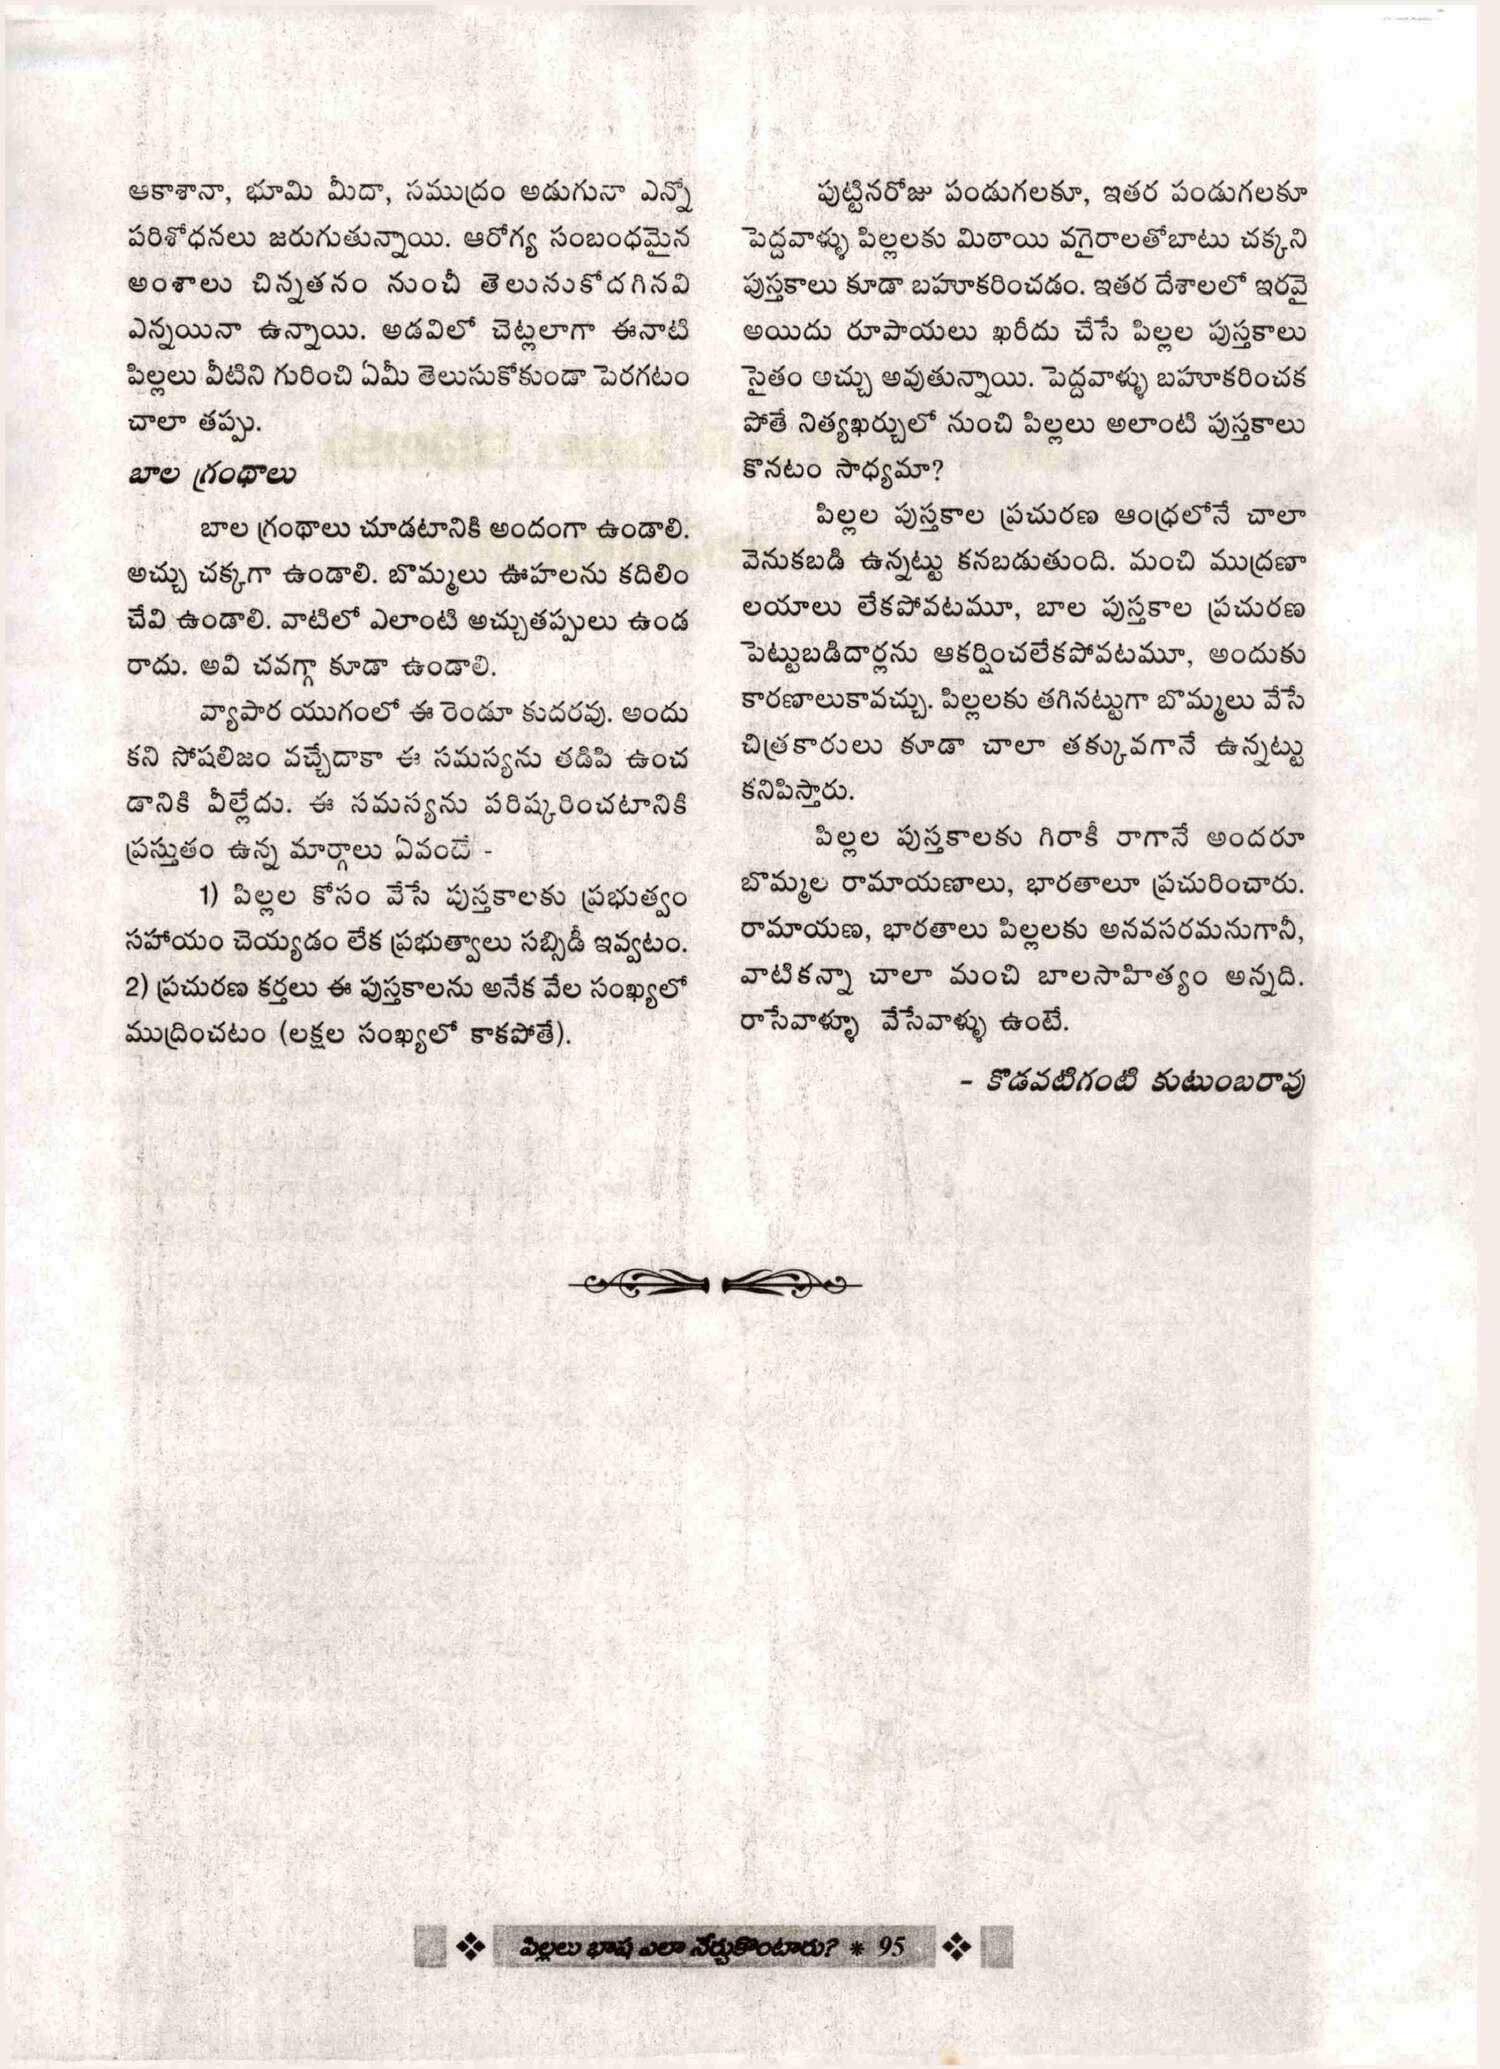ఆకాశానా, భూమి మీదా, సముద్రం అడుగునా ఎన్నో పరిశోధనలు జరుగుతున్నాయి. ఆరోగ్య సంబంధమైన
అంశాలు చిన్నతనం నుంచీ తెలుసుకోదగినవి ఎన్నయినా ఉన్నాయి. అడవిలో చెట్లలాగా ఈనాటి పిల్లలు వీటిని గురించి ఏమీ తెలుసుకోకుండా పెరగటం చాలా తప్పు.

బాల గ్రంథాలు

బాల గ్రంథాలు చూడటానికి అందంగా ఉండాలి. అచ్చు చక్కగా ఉండాలి. బొమ్మలు ఊహలను కదిలించేవి ఉండాలి. వాటిలో ఎలాంటి అచ్చుతప్పులు ఉండరాదు. అవి చవగ్గా కూడా ఉండాలి.

వ్యాపార యుగంలో ఈ రెండూ కుదరవు. అందుకని సోషలిజం వచ్చేదాకా ఈ సమస్యను తడిపి ఉంచడానికి వీల్లేదు. ఈ సమస్యను పరిష్కరించటానికి ప్రస్తుతం ఉన్న మార్గాలు ఏవంటే -

1) పిల్లల కోసం వేసే పుస్తకాలకు ప్రభుత్వం సహాయం చెయ్యడం లేక ప్రభుత్వాలు సబ్సిడీ ఇవ్వటం. 2) ప్రచురణ కర్తలు ఈ పుస్తకాలను అనేక వేల సంఖ్యలో ముద్రించటం (లక్షల సంఖ్యలో కాకపోతే).

పుట్టినరోజు పండుగలకు, ఇతర పండుగలకూ పెద్దవాళ్ళు పిల్లలకు మిఠాయి వగైరాలతోబాటు చక్కని పుస్తకాలు కూడా బహూకరించడం. ఇతర దేశాలలో ఇరవై అయిదు రూపాయలు ఖరీదు చేసే పిల్లల పుస్తకాలు సైతం అచ్చు అవుతున్నాయి. పెద్దవాళ్ళు బహూకరించక పోతే నిత్యఖర్చులో నుంచి పిల్లలు అలాంటి పుస్తకాలు కొనటం సాధ్యమా?

పిల్లల పుస్తకాల ప్రచురణ ఆంధ్రలోనే చాలా వెనుకబడి ఉన్నట్టు కనబడుతుంది. మంచి ముద్రణాలయాలు లేకపోవటమూ, బాల పుస్తకాల ప్రచురణ పెట్టుబడిదార్లను ఆకర్షించలేకపోవటమూ, అందుకు కారణాలుకావచ్చు. పిల్లలకు తగినట్టుగా బొమ్మలు వేసే చిత్రకారులు కూడా చాలా తక్కువగానే ఉన్నట్టు కనిపిస్తారు.

పిల్లల పుస్తకాలకు గిరాకీ రాగానే అందరూ బొమ్మల రామాయణాలు, భారతాలూ ప్రచురించారు. రామాయణ, భారతాలు పిల్లలకు అనవసరమనుగానీ, వాటికన్నా చాలా మంచి బాలసాహిత్యం అన్నది. రాసేవాళ్ళూ వేసేవాళ్ళు ఉంటే.